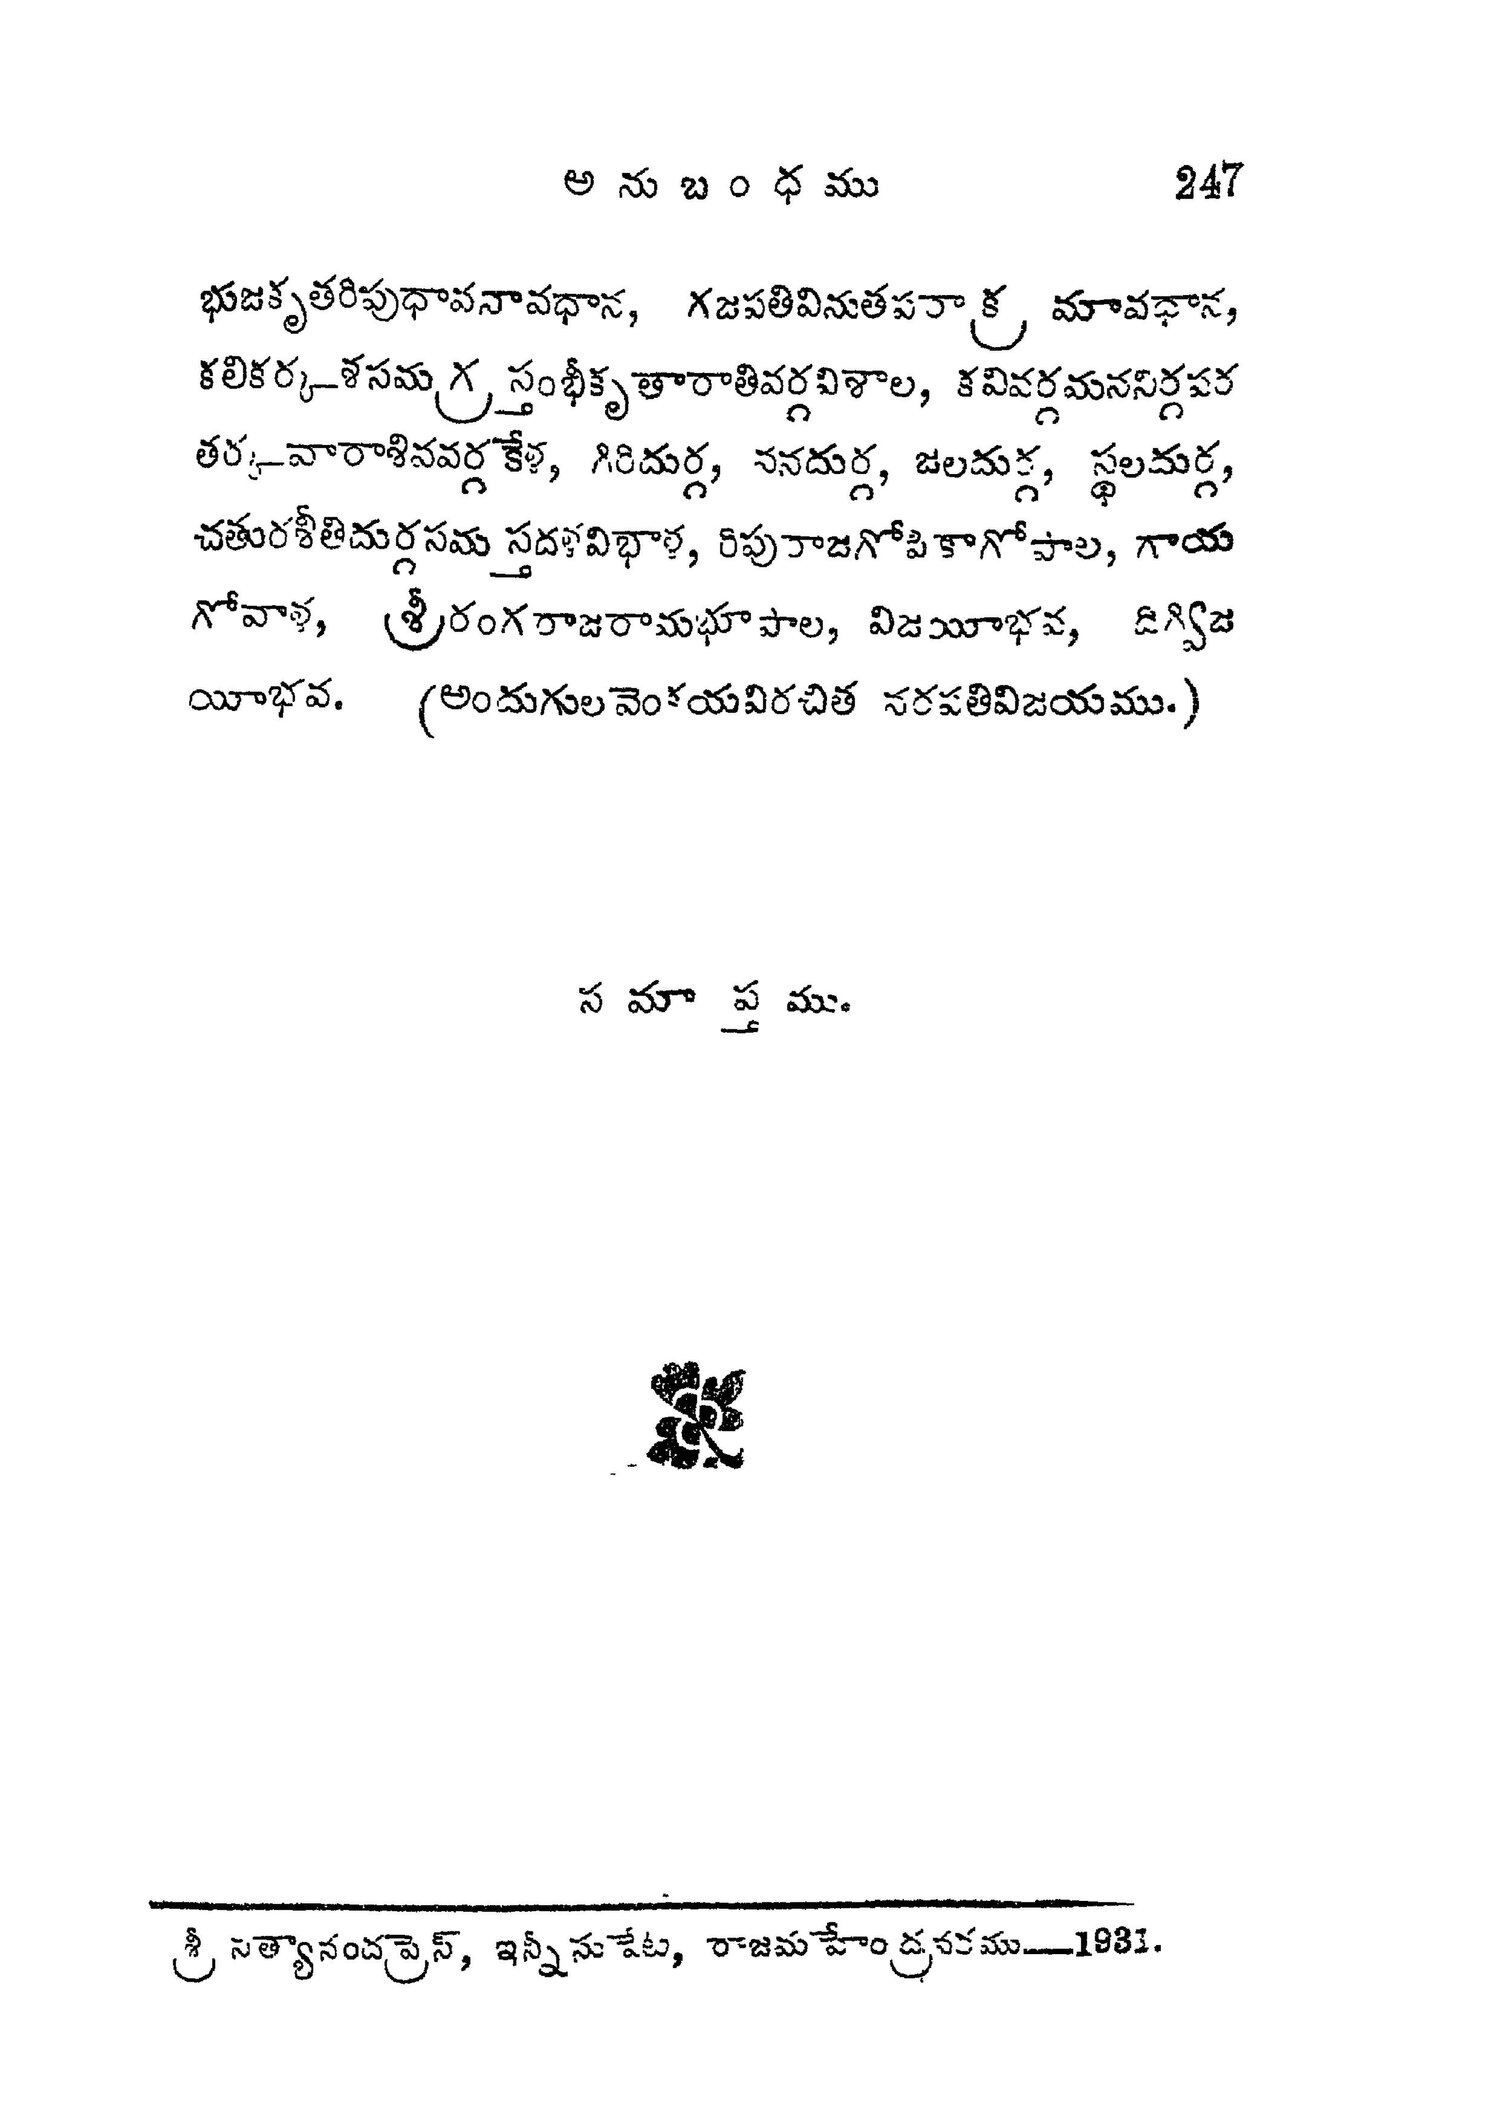భుజకృతరిపుధావనావధాన, గజపతివినుతపరాక్ర మావధాన, కలికర్కశసమగ్ర స్తంభీకృతా రాతివర్గవిశాల, కవివర్గమననిర్గవర తర్కవారాశివవర్గకేళ, గిరిదుర్గ, వనదుర్గ, జలదుర్గ, స్థలదుర్గ, చతురశీతిదుర్గ సమస్తదళవిభాళ, రిపురాజగోపికాగోపాల, గాయ గోవాళ, శ్రీరంగరాజరామభూపాల, విజయీభవ, దిగ్విజయీభవ. (అందుగుల వెంకయ విరచిత నరపతి విజయము.)

సమాప్తము.